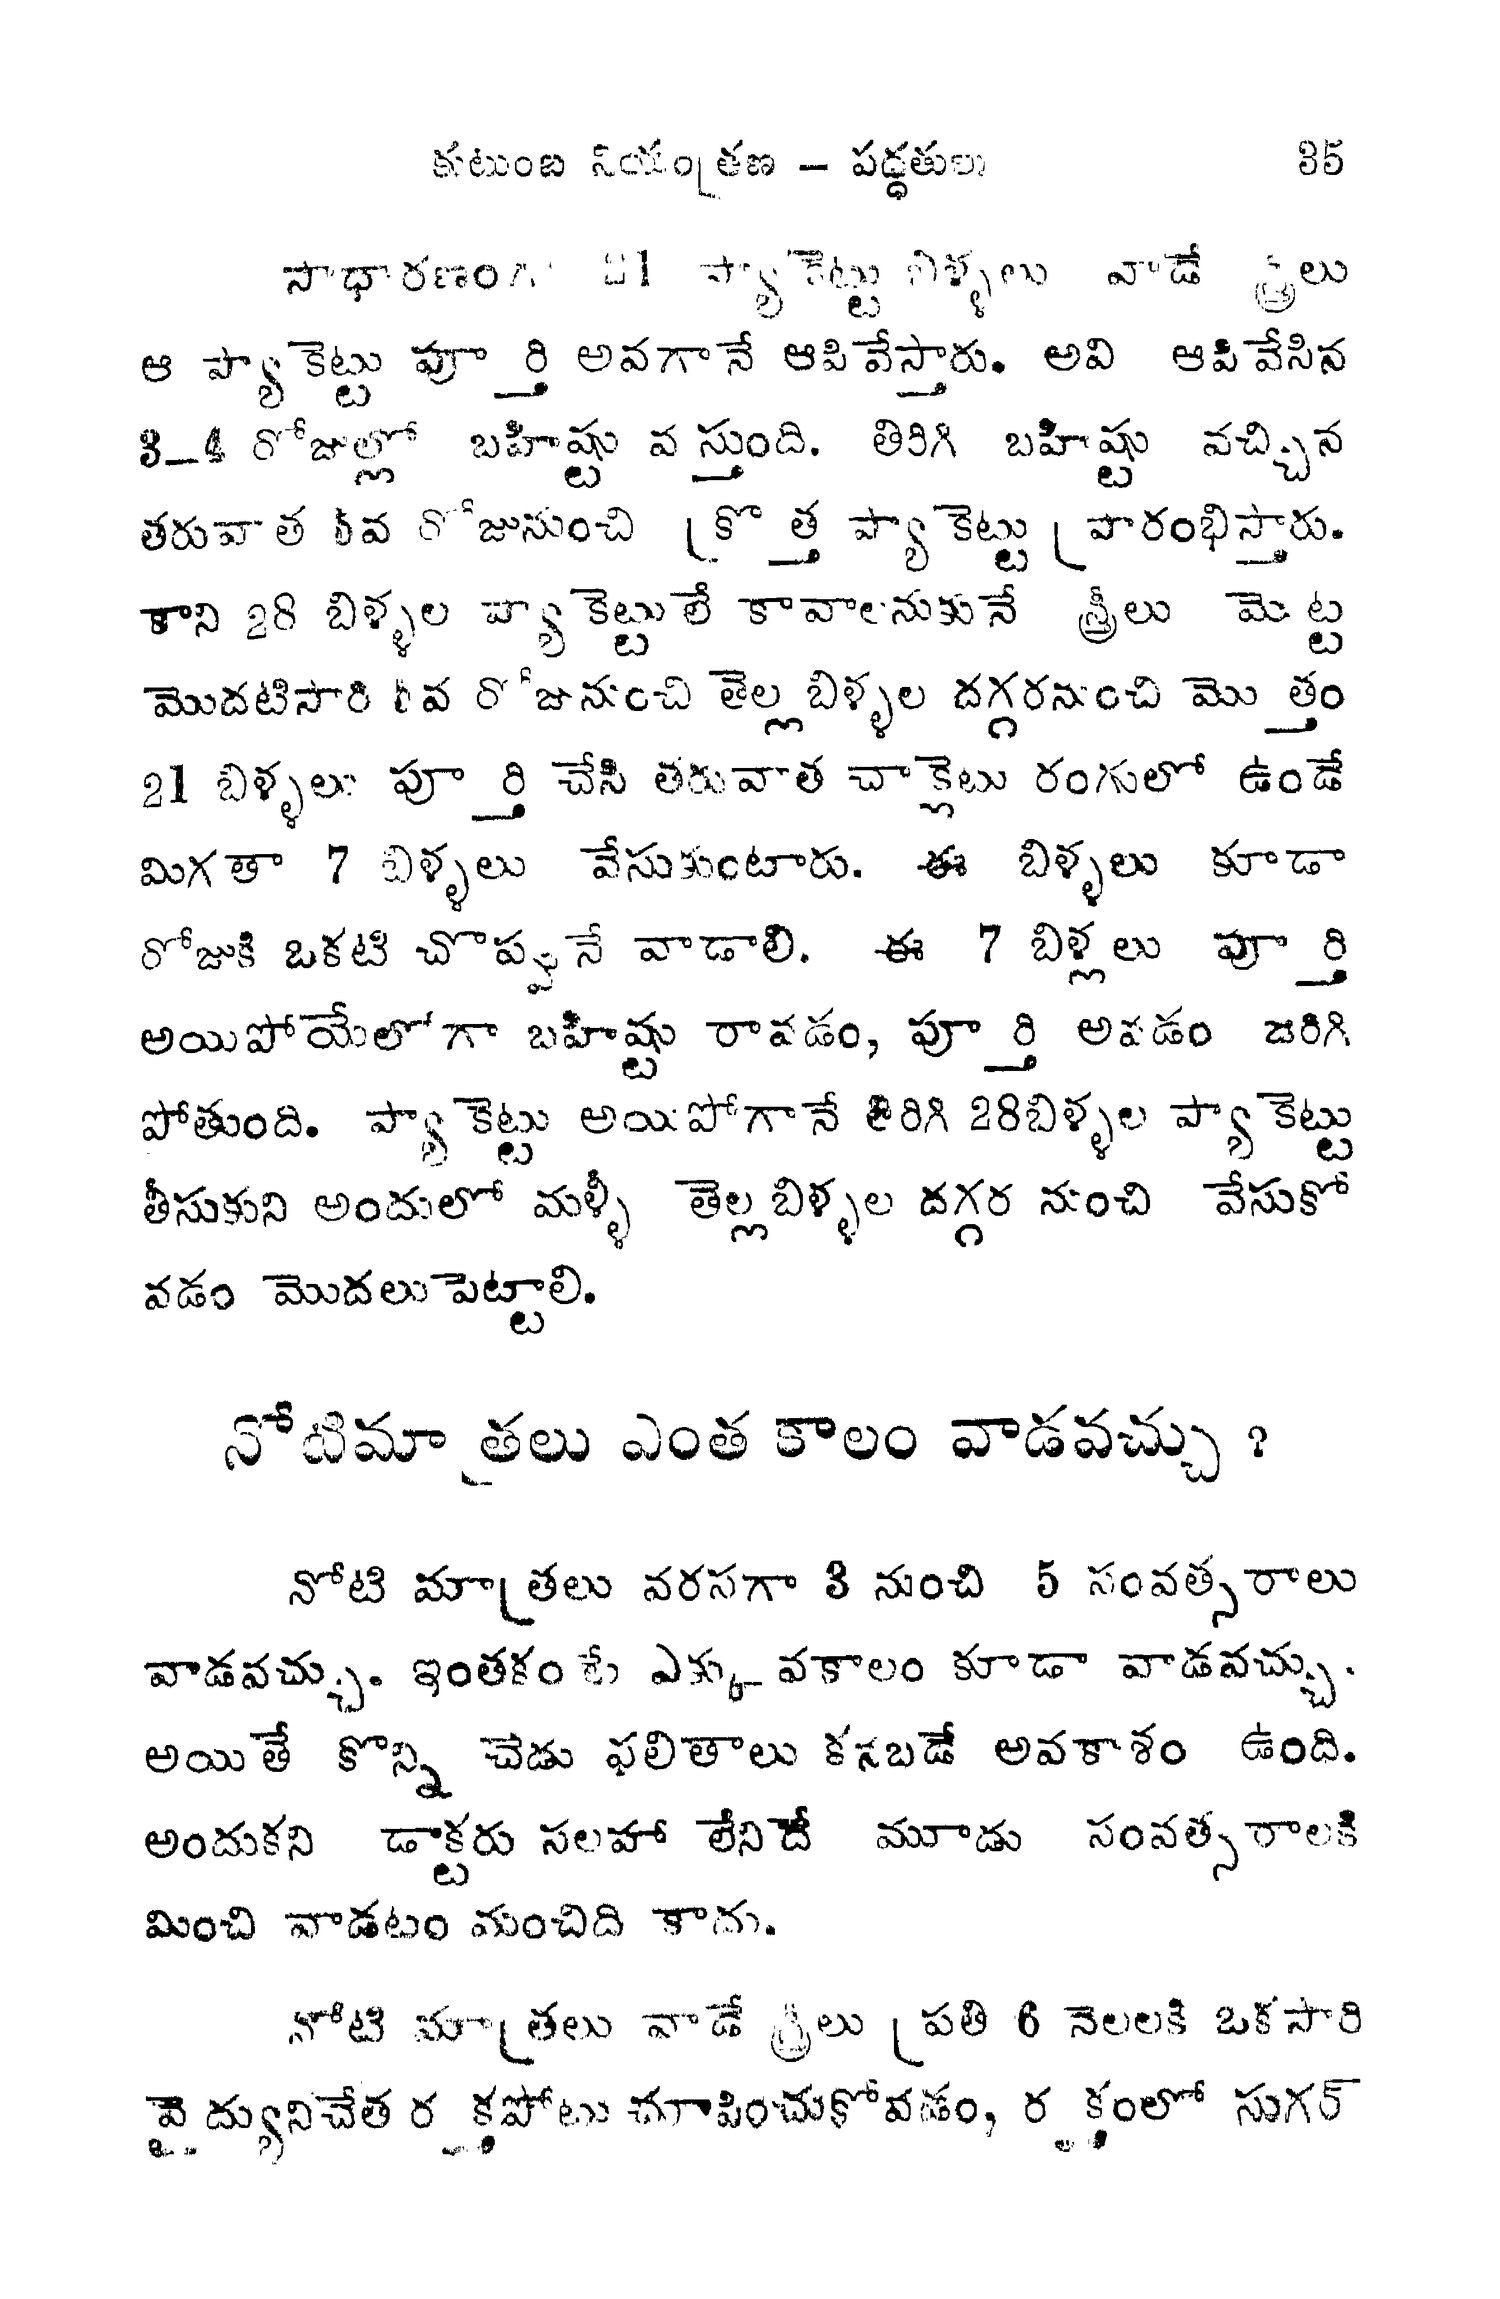సాధారణంగా 21 ప్యాకెట్టు బిళ్ళలు వాడే స్త్రీలు ఆ ప్యాకెట్టు పూర్తి అవగానె ఆపివేస్తారు. అవి ఆపివేసిన్ 3-4 రొజుల్లో బహిష్టు వస్తుంది. తిరిగి బహిష్టు వచ్చిన తరువాత 5 వ రోజునుంచి క్రొత్త ప్యాకెట్టు ప్ర్రారంభిస్తారు. కాని 28 బిళ్ళల ప్యాకెట్టులే కావాలనుకునే స్త్రీలు మొట్టమొదటివారి 5వ రోజునుంచి తెల్ల బిళ్ళల దగ్గరనుంచి మొత్తం 21 బిళ్ళలు పూర్తి చేసి తరువాత చాక్లెటు రంగులో ఉండే మిగతా 7 బిళ్ళలు వేసుకుంటారు. ఈ బిళ్ళలు కూడా రోజుకి ఒకటి చొప్పునే వాడాఅలి. ఈ 7 బిళ్ళ్లు పూర్తి అయిపోయేలోగా బహిష్టు రావడం, పూర్తి అవడం జరిగిపోతుంది. ప్యాకెట్టు అయిపొగానే తిరిగి 28 బిళ్ళల ప్యాకెట్టు తీసుకుని అందులో మళ్ళీ తెల్లబిళ్ళల దగ్గర నుంచి వేసుకోవడం మొదలుపెట్టాలి.

నోటి మాత్రలు వరసగా 3 నుంచి 5 సంవత్సరాలు వాడవచ్చు. ఇంతకంటే ఎక్కువకాలం కూడా వాడవచ్చు. అయితే కొన్ని చెడు ఫలితాలు కనబడే అవకాశం ఉంది. అందుకని డాక్టరు సలహా లేనిదే మూడు సంవత్సరాలకి మించి వాడటం మంచిది కాదు.

నోటి మాత్రలు వాడే స్త్రీలు ప్రతి 6 నెలలకి ఒకసారి వైధ్యునిచేత రక్తపొటు చూపించుకోవడం, రక్తంలో సుగర్